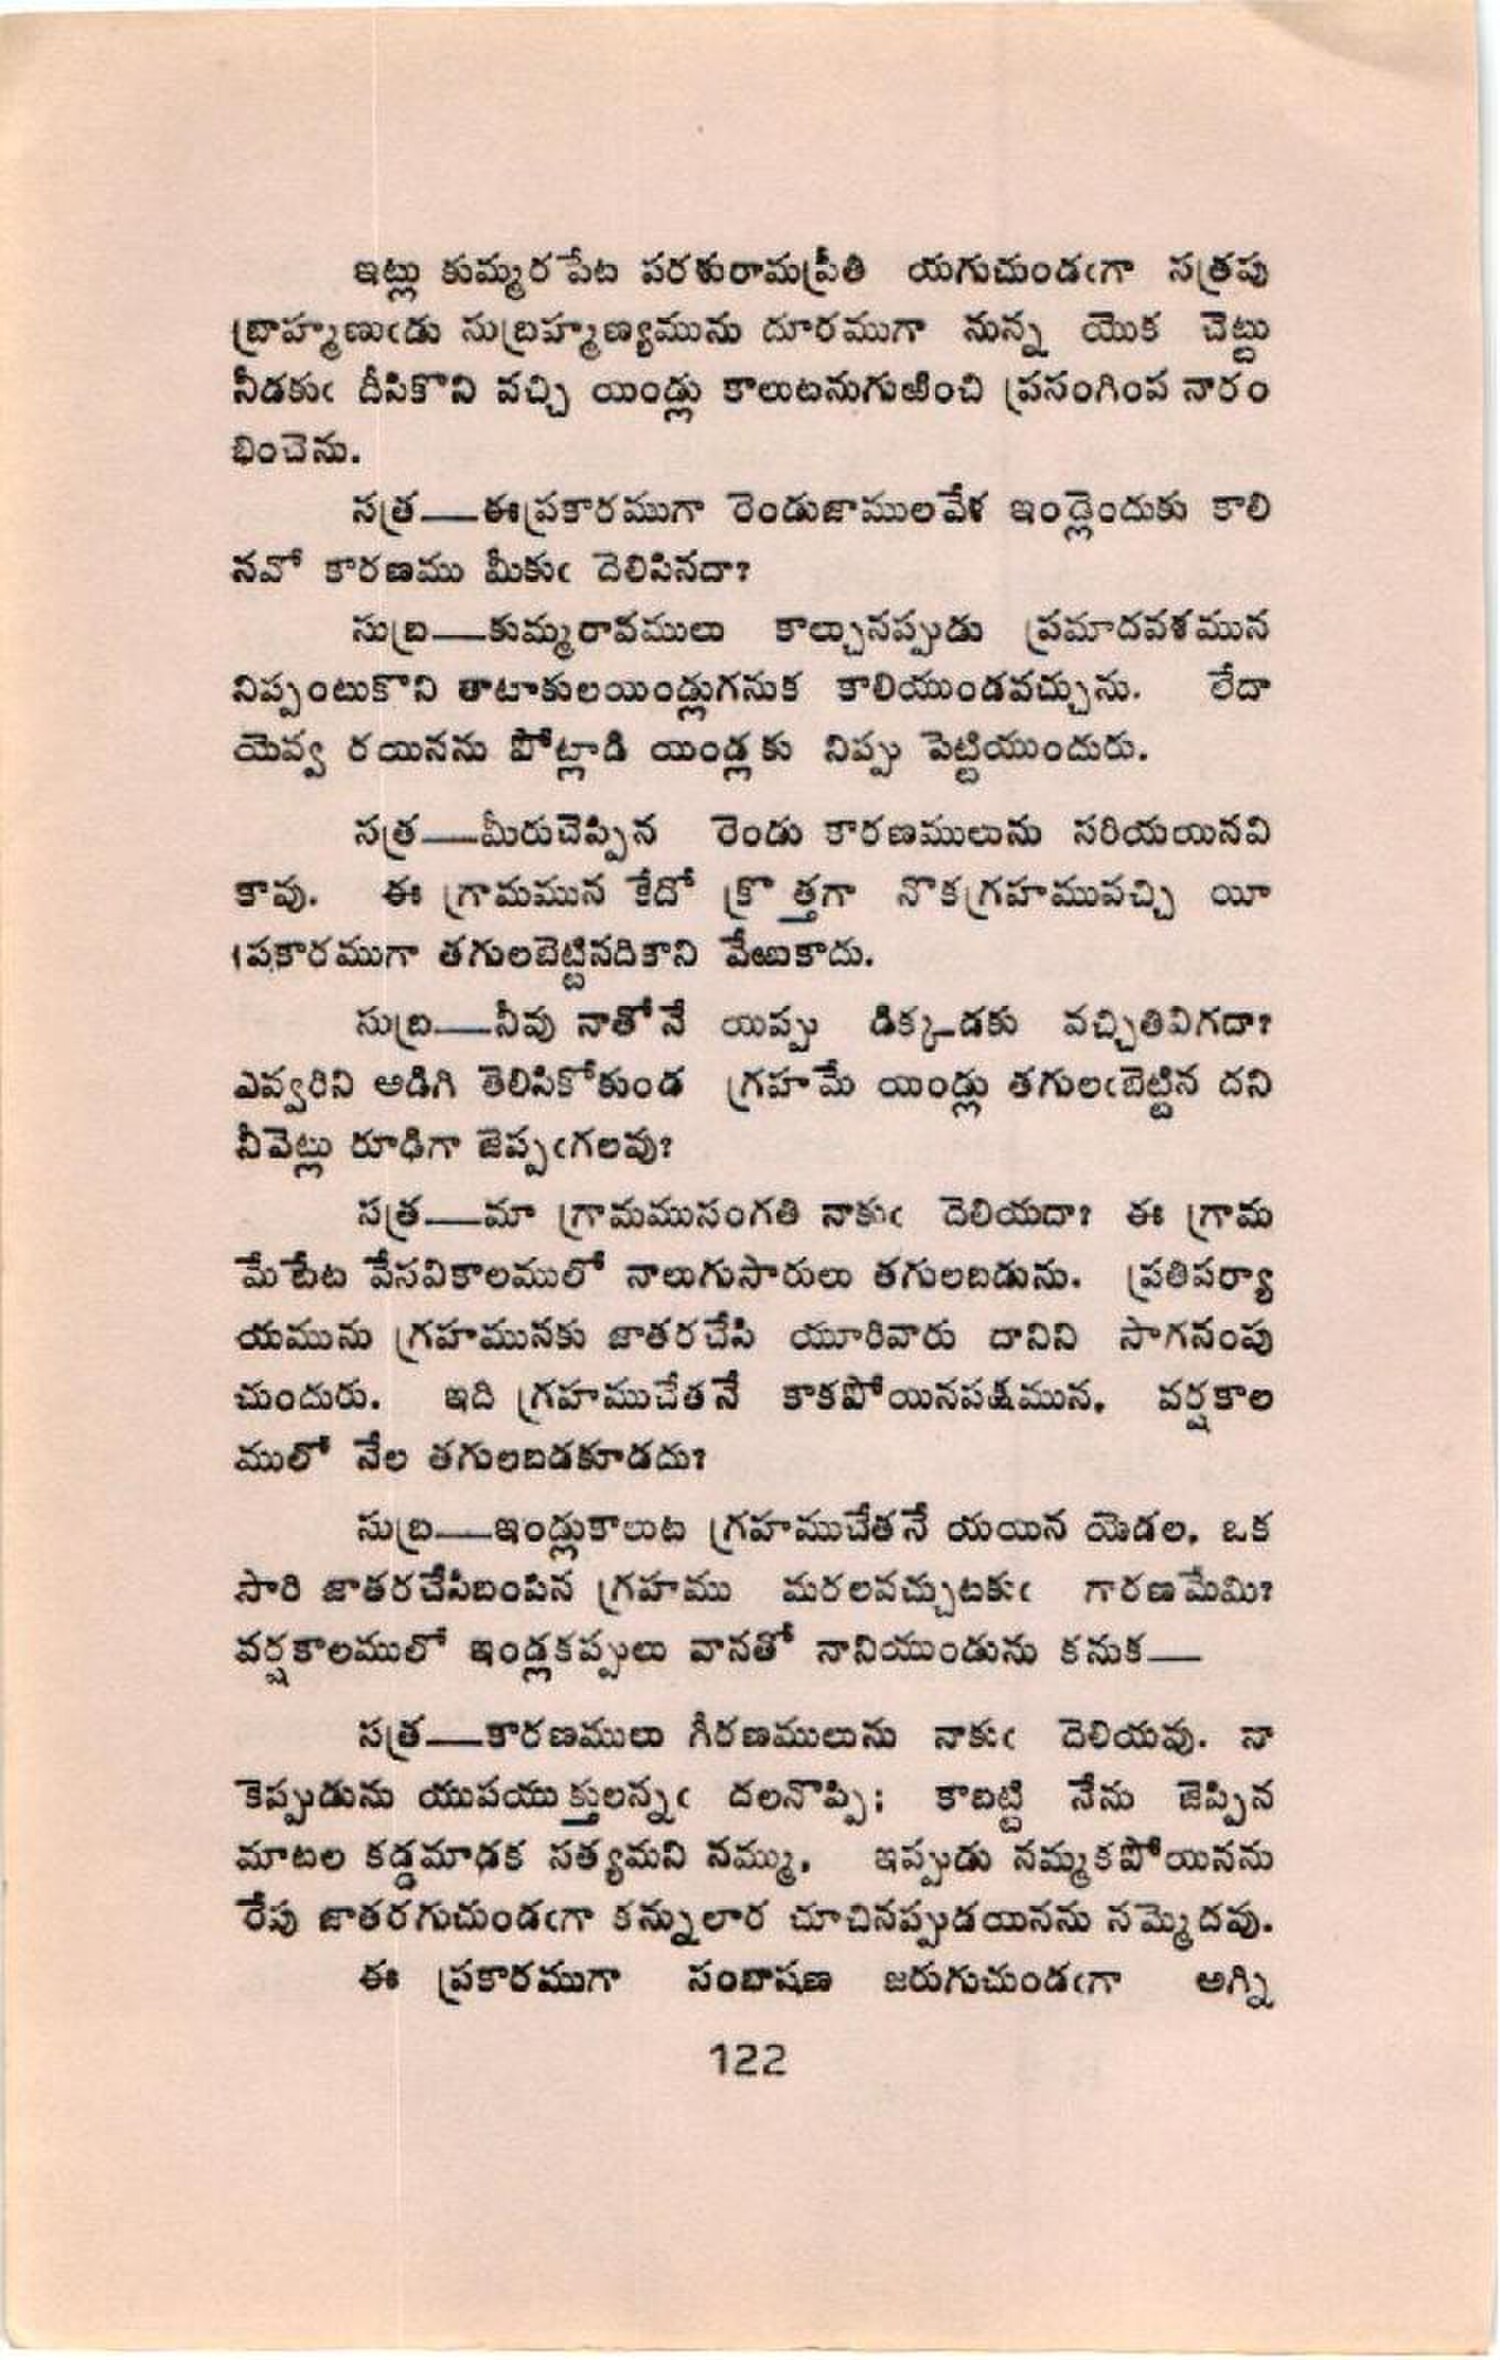ఇట్లు కుమ్మరపేట పరశురామ ప్రీతి యగుచుండఁగా సత్రపు బ్రాహ్మణుఁడు సుబ్రహ్మణ్యమును దూరముగా నున్న యొక చెట్టు నీడకుఁ దీసికొని వచ్చి యిండ్లు కాలుటనుగుఱించి ప్రసంగింప నారం భించెను.

సత్ర__ఈప్రకారముగా రెండుజాములవేళ ఇండ్లెందుకు కాలి నవో కారణము మీకుఁ దెలిసినదా?

సుబ్ర__కుమ్మరావములు కాల్చునప్పుడు ప్రమాదవశమున నిప్పంటుకొని తాటాకులయిండ్లుగనుక కాలియుండవచ్చును. లేదా యెవ్వరయినను పోట్లాడి యిండ్లకు నిప్పు పెట్టియందురు.

సత్ర__మీరు చెప్పిన రెండు కారణములును సరియయినవి కావు. ఈ గ్రామమున కేదో క్రొత్తగా నొకగ్రహమువచ్చి యీ ప్రకారముగా తగులబెట్టినదికాని వేఱుకాదు.

సుబ్ర__నీవు నాతోనే యిప్పు డిక్కడకు వచ్చితివిగదా? ఎవ్వరిని అడిగి తెలిసికోకుండ గ్రహమే యిండ్లు తగులబెట్టిన దని నీవెట్లు రూఢిగా జెప్పఁగలవు?

సత్ర__మా గ్రామముసంగతి నాకుఁ దెలియదా? ఈ గ్రామ మేటేట వేసవికాలములో నాలుగుసారులు తగులబడును. ప్రతిపర్యా యమును గ్రహమునకు జాతరచేసి యూరివారు దానిని సాగనంపు చుందురు. ఇది గ్రహముచేతనే కాకపోయినపక్షమున, వర్ఘకాల ములో నేల తగులబడకూడదు?

సుబ్ర__ఇండ్లుకాలుట గ్రహముచేతనే యయిన యెడల, ఒక సారి జాతరచేసి బంపిన గ్రహము మరలవచ్చుటకుఁ గారణమేమి? వర్షకాలములో ఇండ్లకప్పులు వానతో నానియుండును కనుక__

సత్ర__కారణములు గీరణములను నాకుఁ దెలియవు. నా కెప్పుడును యుపయుక్తలన్నఁ దలనొప్పి; కాబట్టి నేను జెప్పిన మాటల కడ్డమాడక సత్యమని నమ్ము, ఇప్పుడు నమ్మకపోయినను రేపు జాతరగుచుండఁగా కన్నులార చూచినప్పడయినను నమ్మెదవు. 

ఈ ప్రకారముగా సంబాషణ జరుగుచుండఁగా అగ్ని